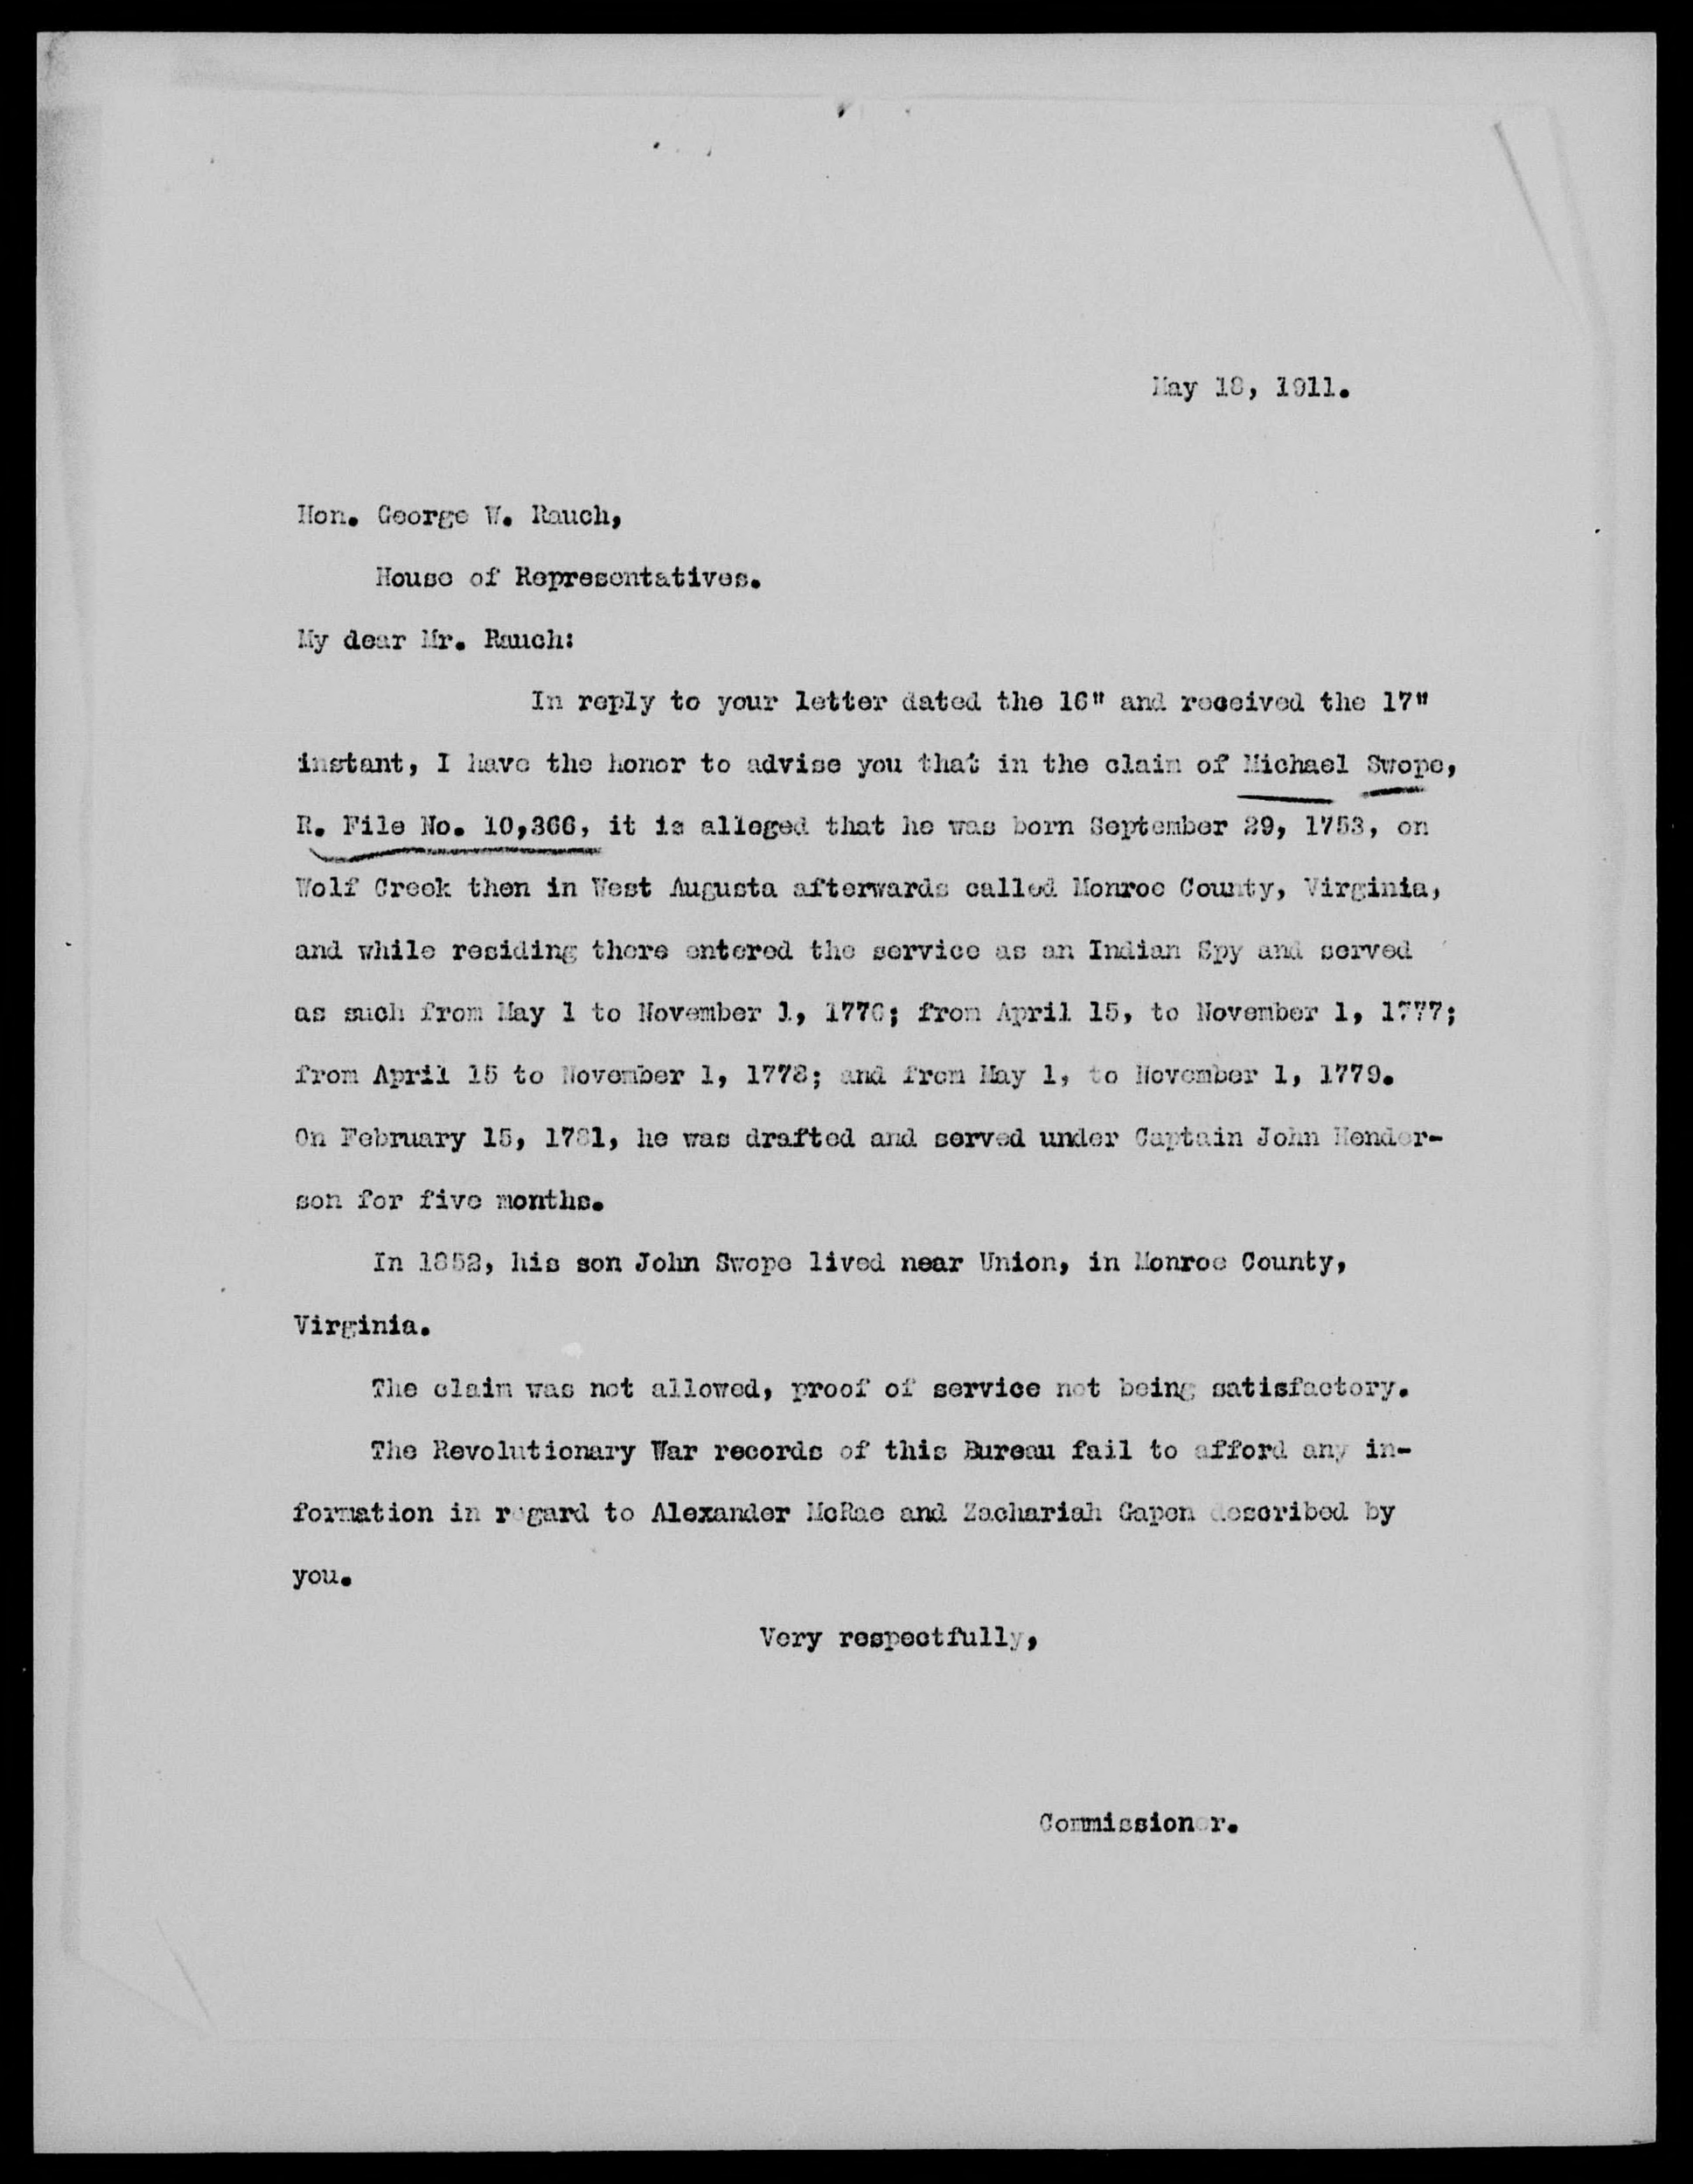May 18, 1911.
Hon. George W. Rauch,
House of Representatives.

My dear Mr. Rauch:

In reply to your letter dated the 16 " and received the 17"
instant, I have the honor to advise you that in the claim of Michael Swope, 
R. File No. 10,366, it is alleged that he was born September 29, 1753, on
Wolf Creek then in West Augusta afterwards called Monroe County, Virginia,
and while residing there entered the service as an Indian Spy and served
as such from May 1 to November 1, 1776; from April 15, to November 1, 1777;
from April 15 to November 1, 1778; and from May 1, to November 1, 1779.
On February 15, 1781, he was drafted and served under Captain John Henderson
for five months.
In 1852, his son John Swope lived near Union, in Monroe County,
Virginia.
The claim was not allowed, proof of service not being satisfactory.
The Revolutionary War records of this Bureau fail to afford any information
in regard to Alexander McRae and Zachariah Gapen described by
you.
Very respectfully,
Commissioner.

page: 10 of 16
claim: rejected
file: R 10366, for Michael Swope, Virginia